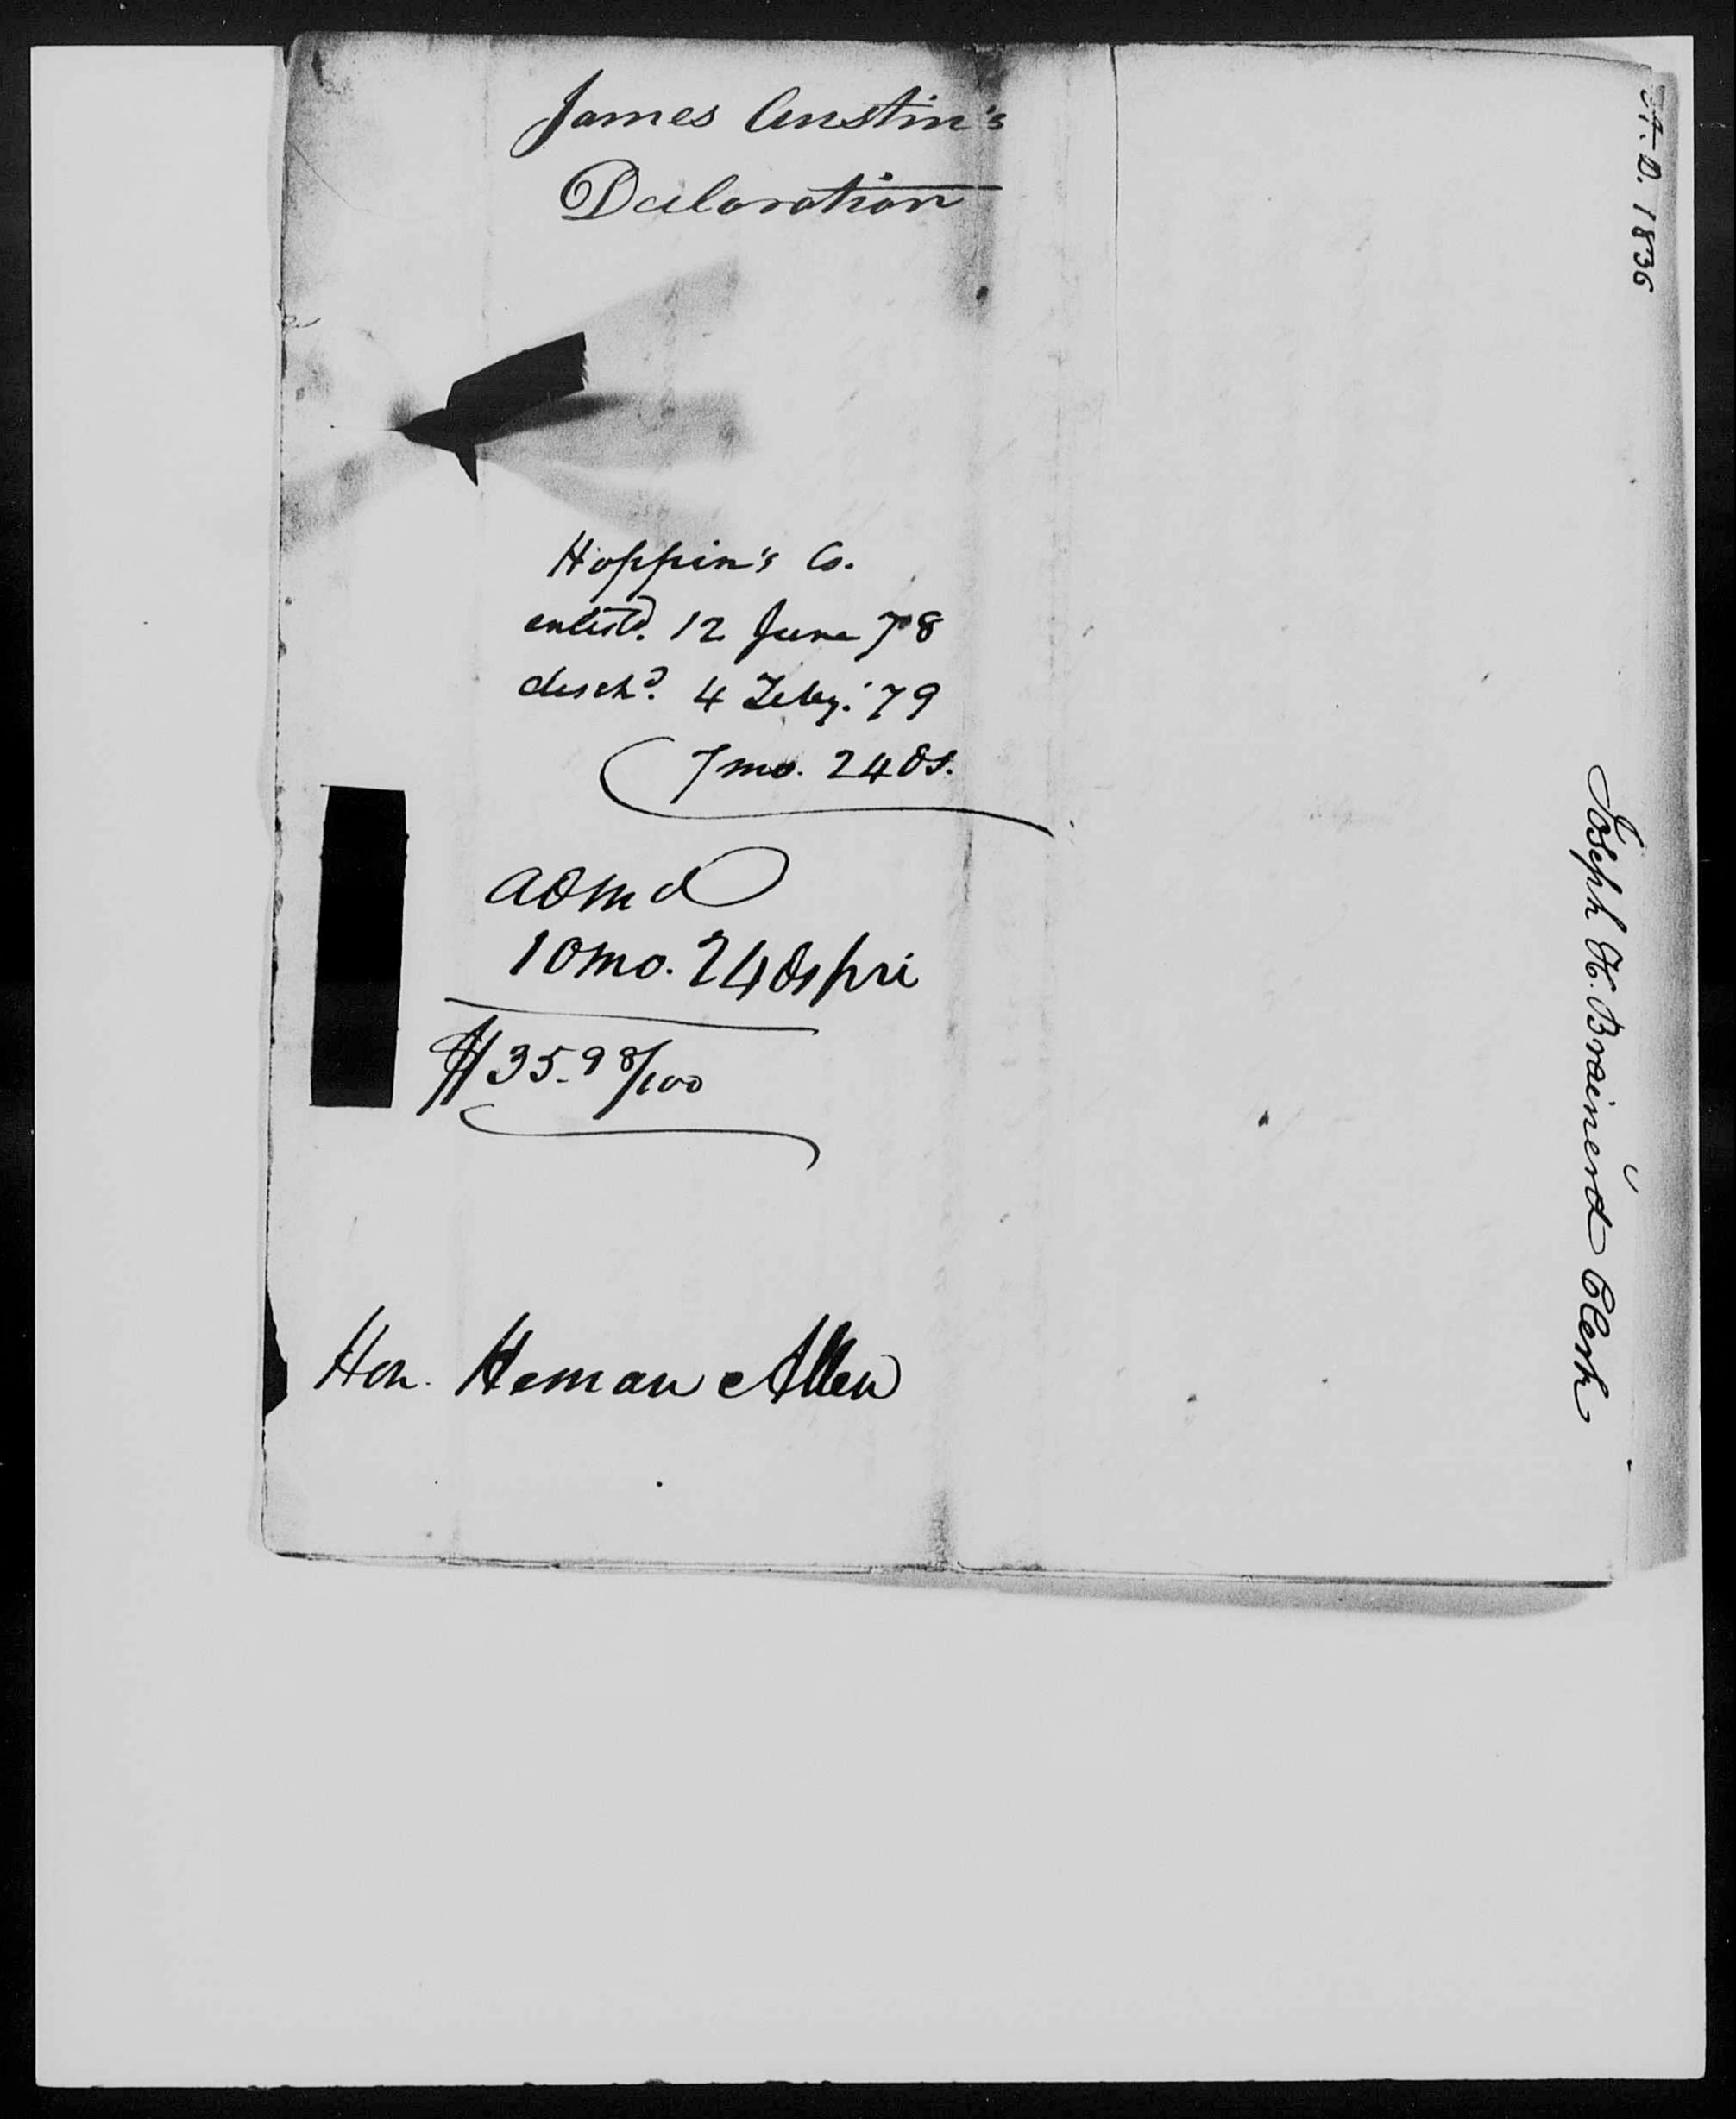James Austin's Declaration

Hoppin's Co.
enlist 12 June 78
disch. 4 Feby. '79
7 mo. 24 ds.
[swirl underline]

[illegible]
10 mo. 24 {illegible]
[underline]
$ 35.98/100
[swirl underline]

Hon. Herman Allen

[rotate page]
A.D. 1836
Joseph H. Brainerd Clerk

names: Joseph H Brainerd, Hannah Allen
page: 19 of 100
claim: survivor's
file: S 19186, James Austin, Conn. New York R.I.